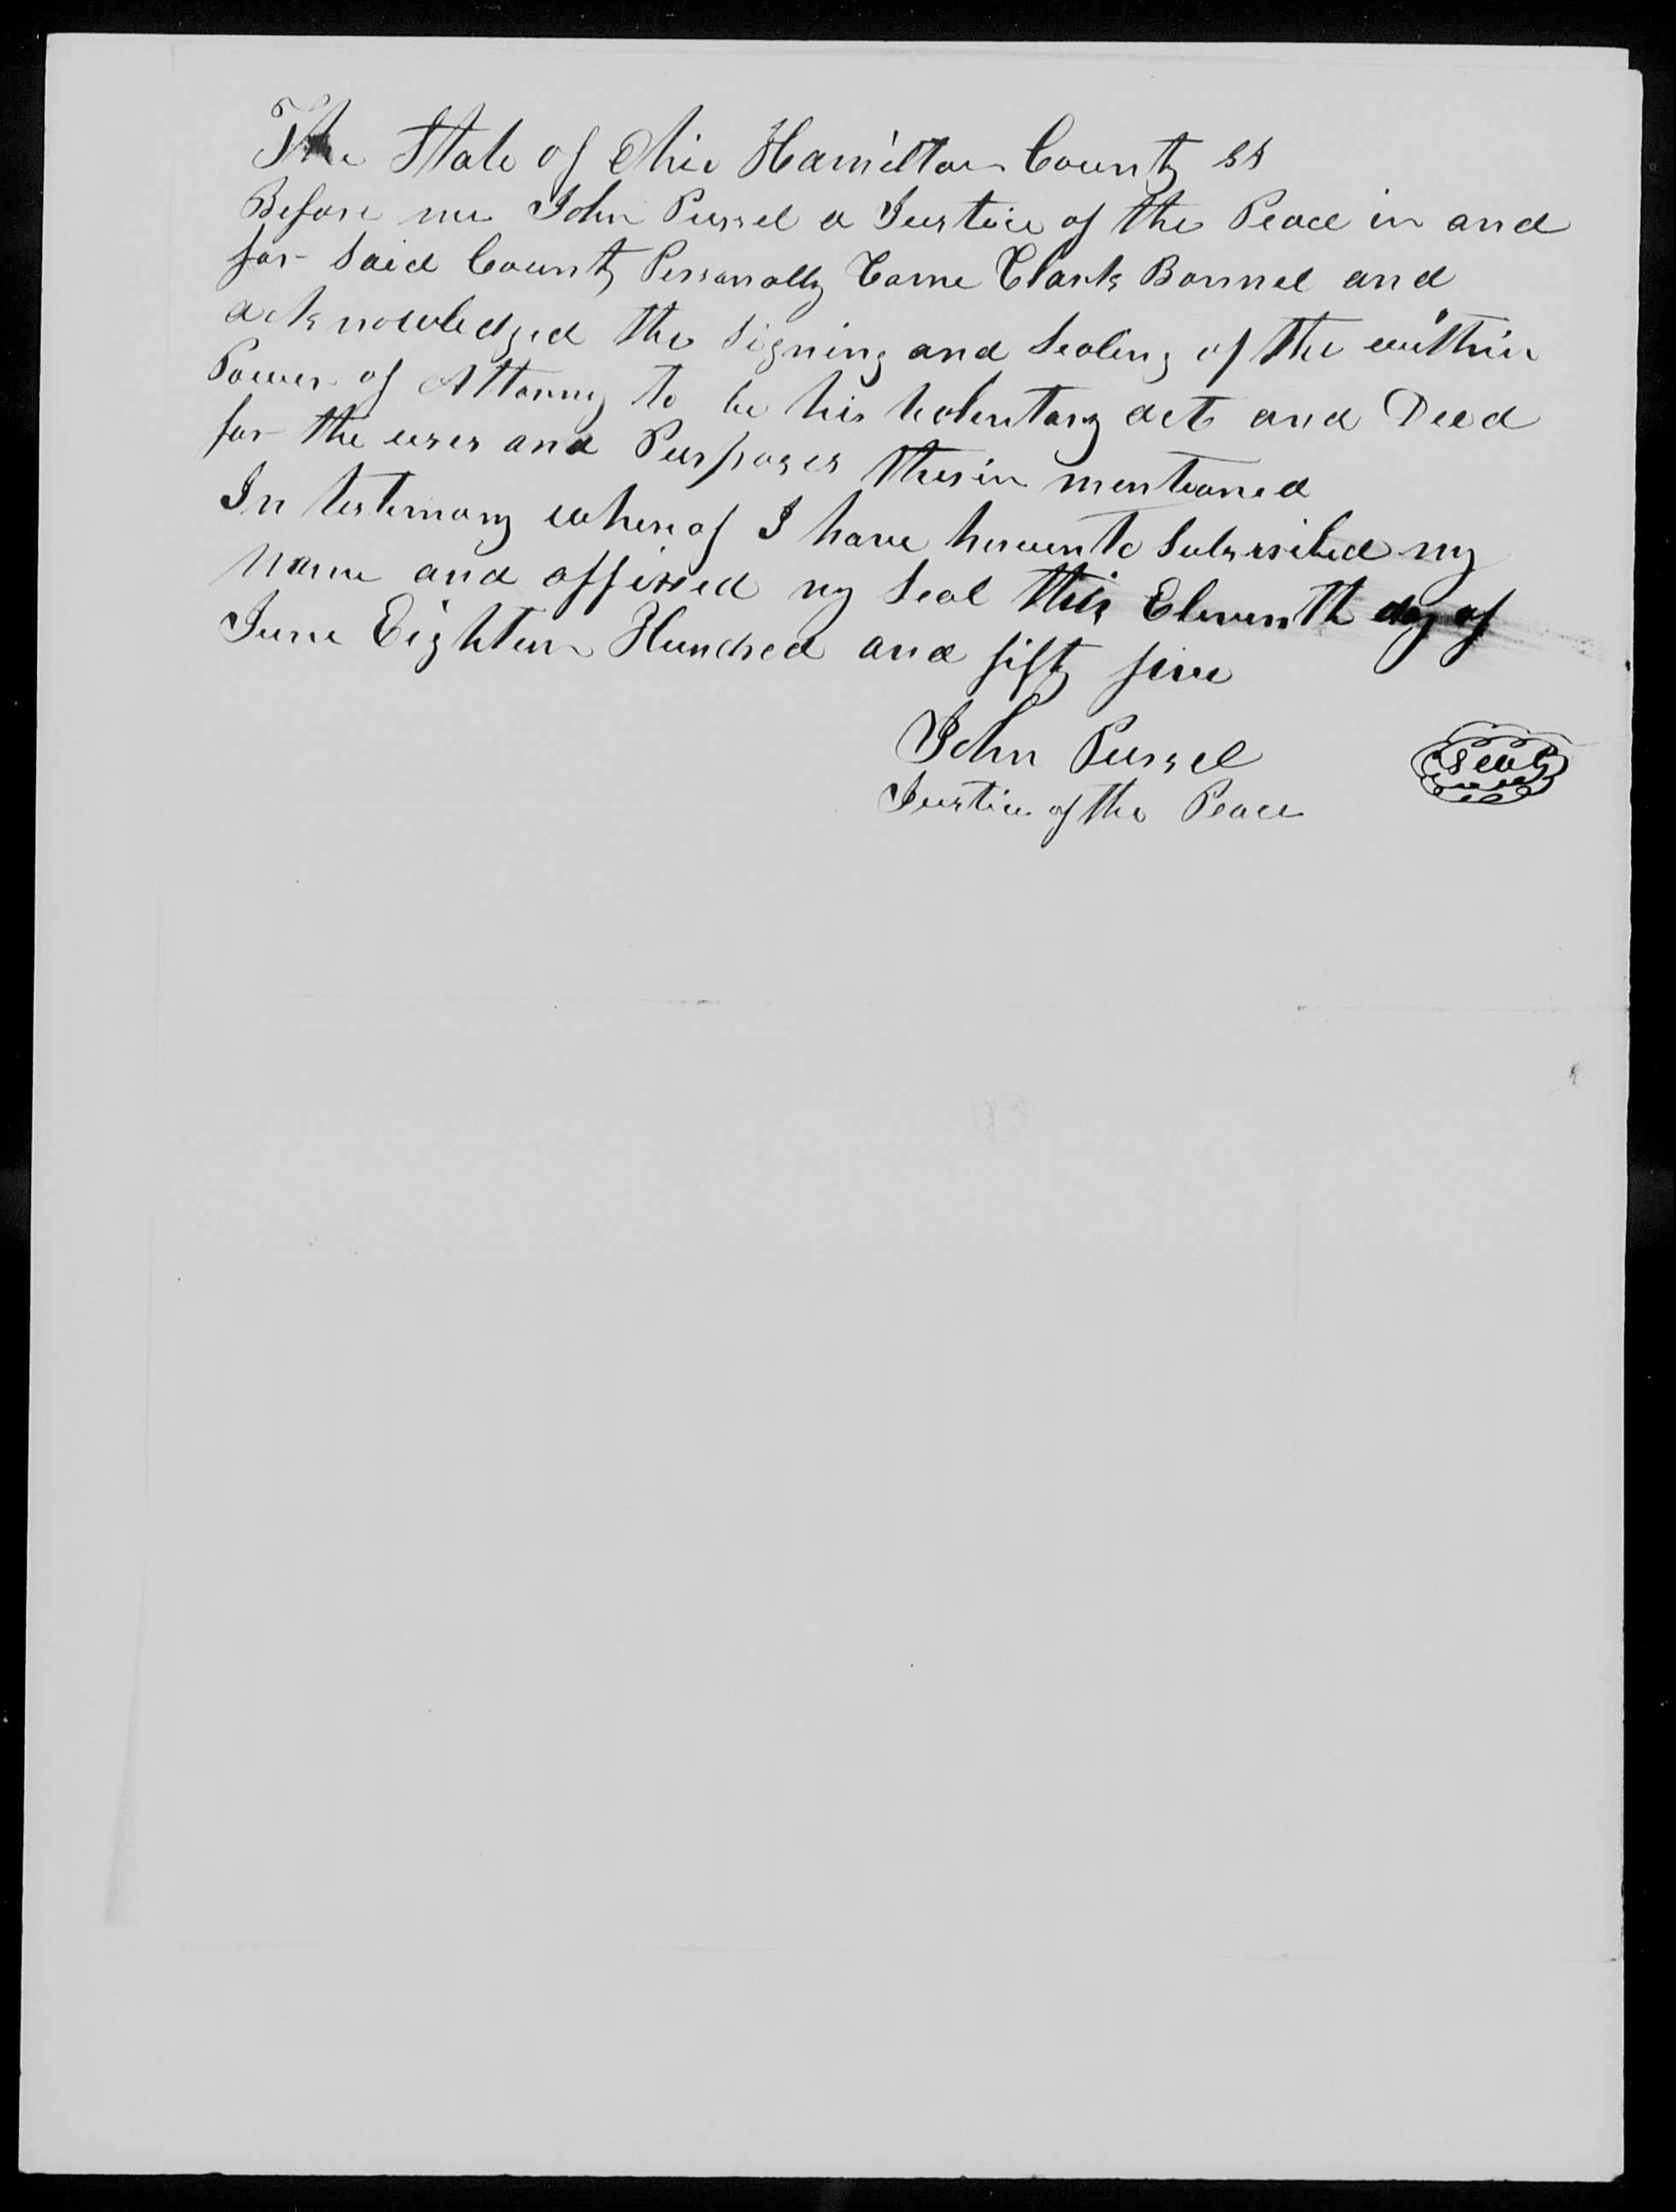The State of Ohio Hamilton County ss.
Before me John Pursel a Justice of the Peace in and for said county personally came Clark Bonnel and acknowledged the signing and sealing of the within Power of Attorney to be his voluntary act and deed for the uses and purposes therein mentioned,
In testimony whereof I have hereunto subscribed my name and affixed my seal this eleventh day of June eighteen hundred and fifty five.
John Pursel
Justice of the Peace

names: John Pursel, Clark Bonnel, John Pursel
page: 37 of 67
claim: rejected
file: R. 1009, Aaron Bonnel, New Jersey